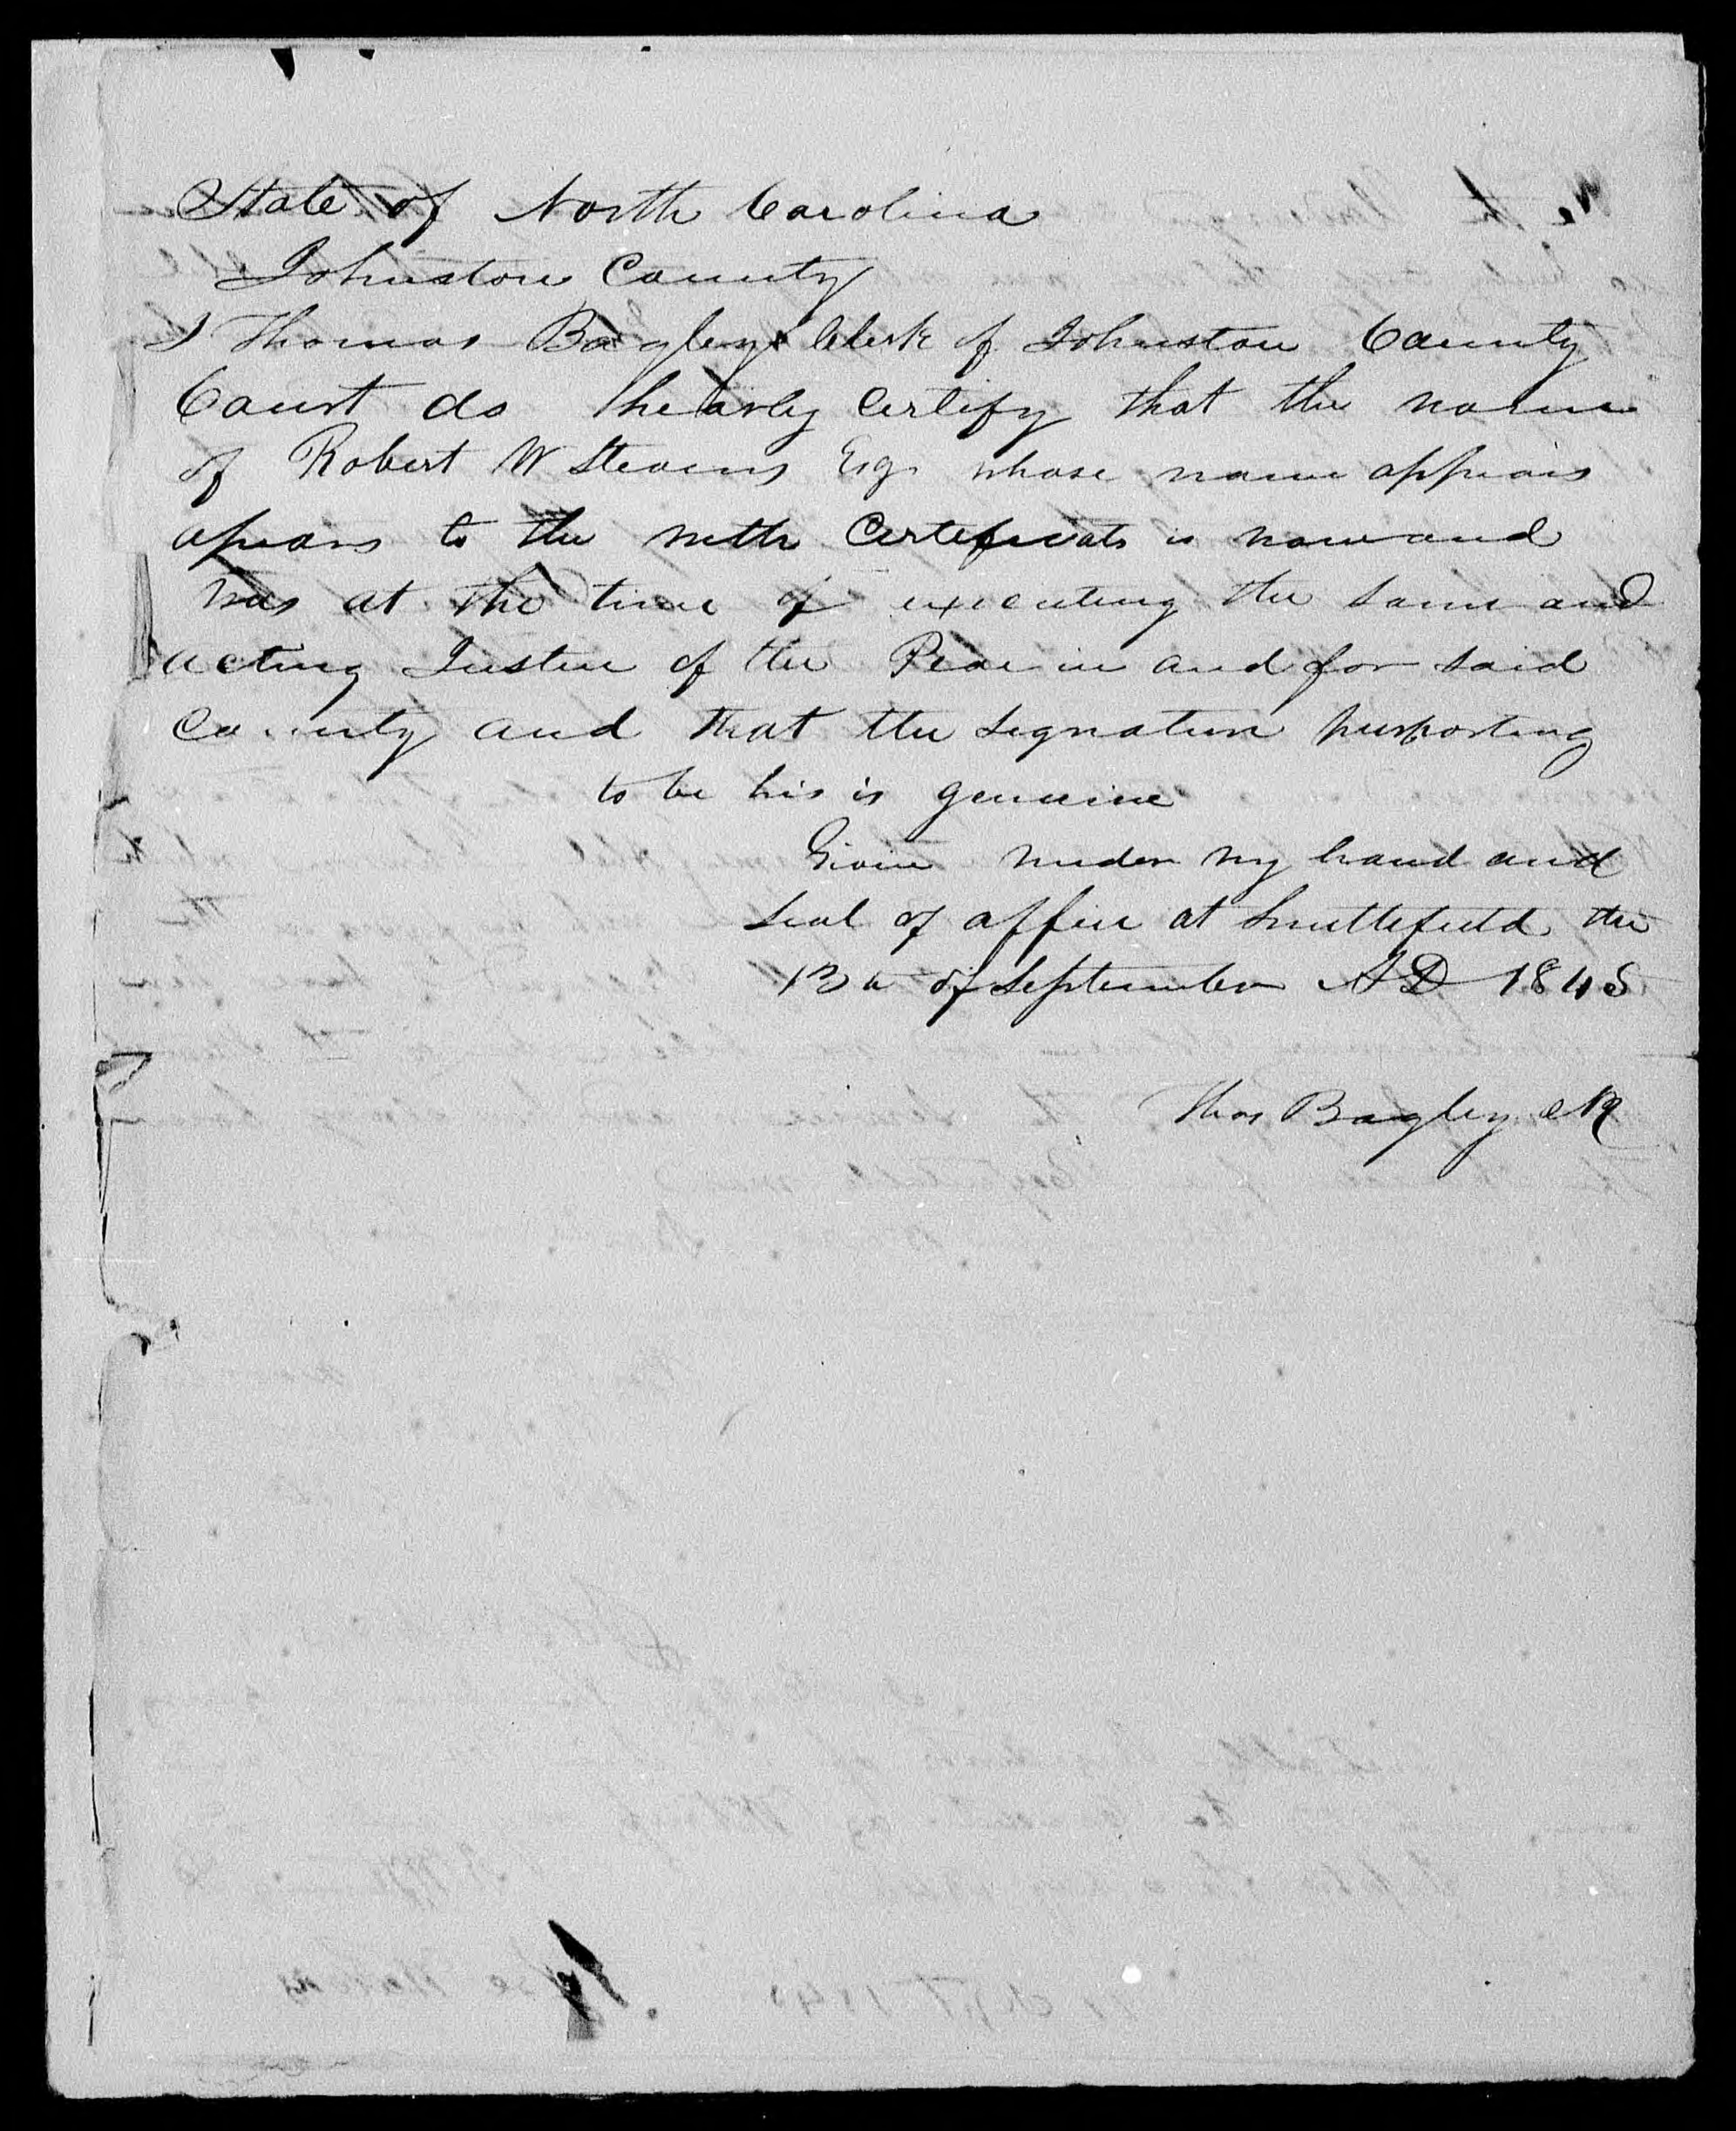State of North Carolina
Johnston County

I, Thomas Bagley, Clerk of Johnston County Court do hereby certify that the name of Robert W. Stevens, Esq., whose name appears in the certificate is now and was at the time of executing the same an acting Justice of the Peace in and for the aforesaid County and that the signature purporting to be his is genuine. 
Given under my hand and seal of office at Smithfield the 13 of September A.D. 1845.
Thomas Bagley, Clerk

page: 30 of 74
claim: rejected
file: R. 5600, for Abel Johnson, North Carolina